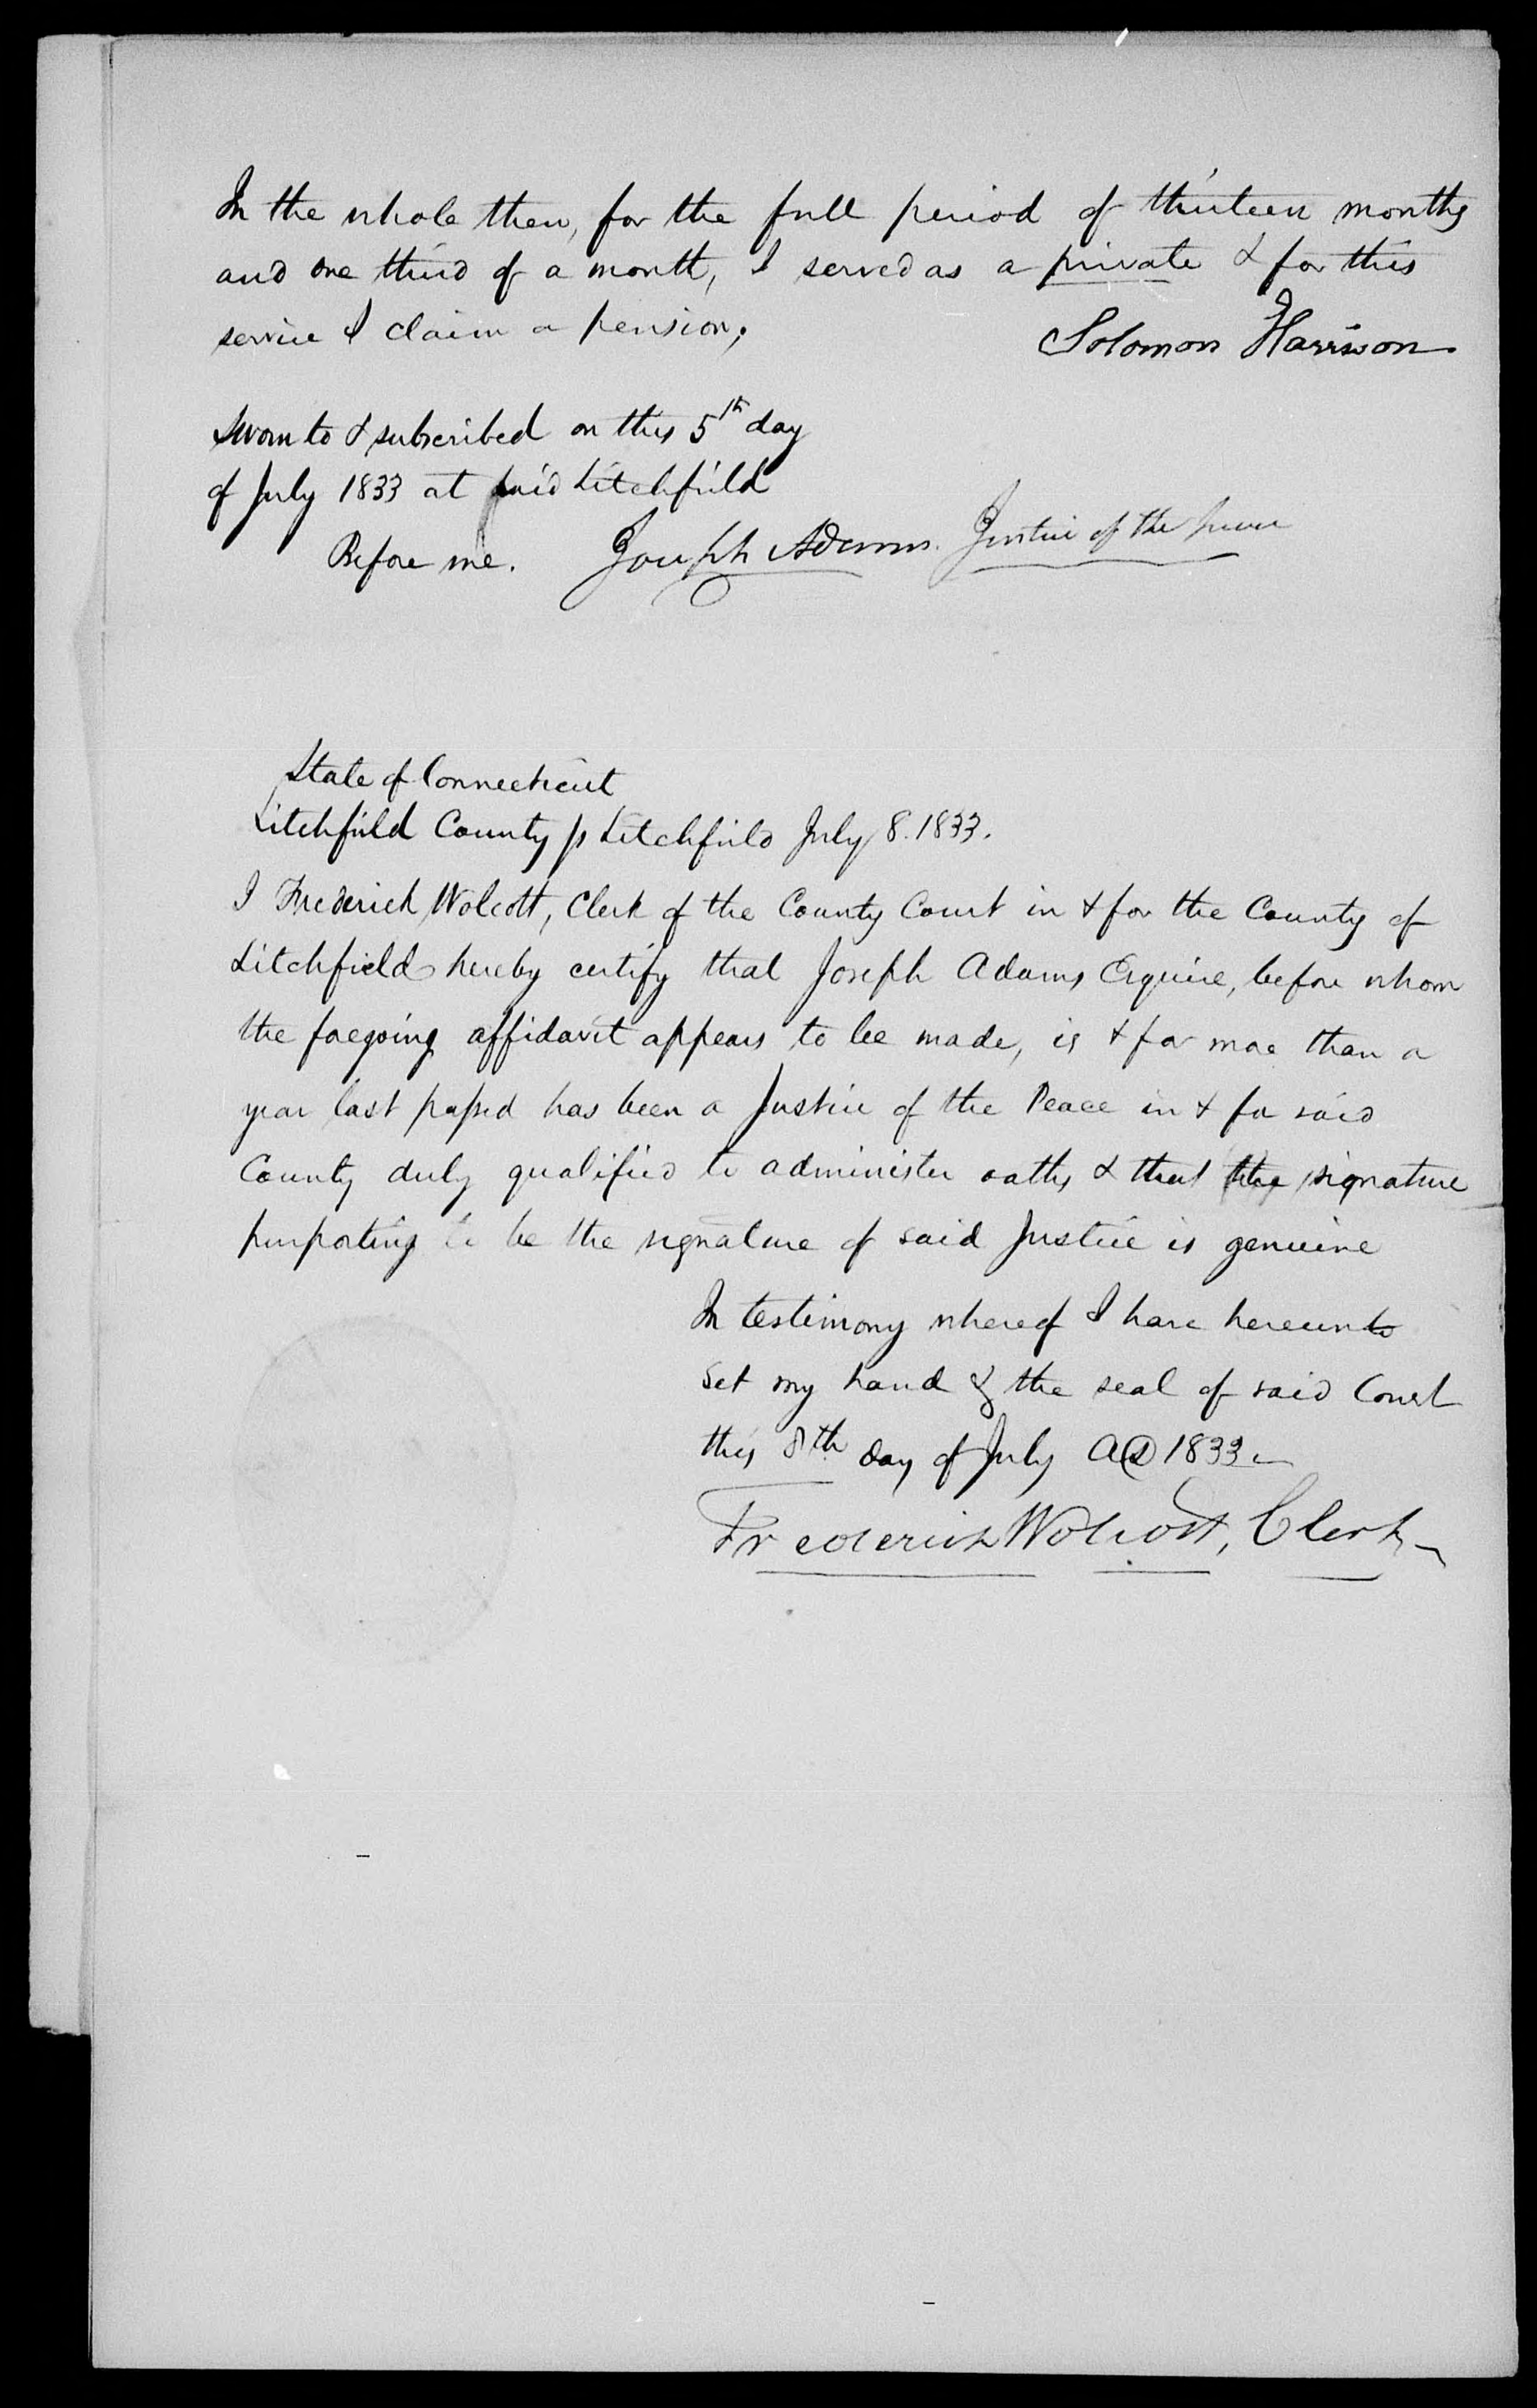In the whole then, for the full period of thirteen months and one third of a month, I served as a private & for this service I claim a pension.
Solomon Harrison
Sworn to & subscribed on the 5th day of July 1833 at said Litchfield
Before me, Joseph Adams Justice of the peace
State of Connecticut
Litchfield County ss. Litchfield July 8, 1833
I Frederick Wolcott, Clerk of the County Court in & for the County of Litchfield hereby certify that Joseph Adams Esquire, before whom the foregoing affidavit appears to be made, in & for more than a year last passed has been a Justice of the Peace in & for said County duly qualified to administer oaths & that the signature purporting to be the signature of said Justice is genuine 
In testimony whereof I have hereunto set my hand of the seal of said Court this 8th day of July AD 1833
Frederick Wolcott, Clerk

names: Solomon Harrison, Frederick Wolcott, Joseph Adams, Joseph Adams, Frederick Wolcott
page: 14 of 22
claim: survivor's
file: S. 16137, Solomon Harrison, Conn.